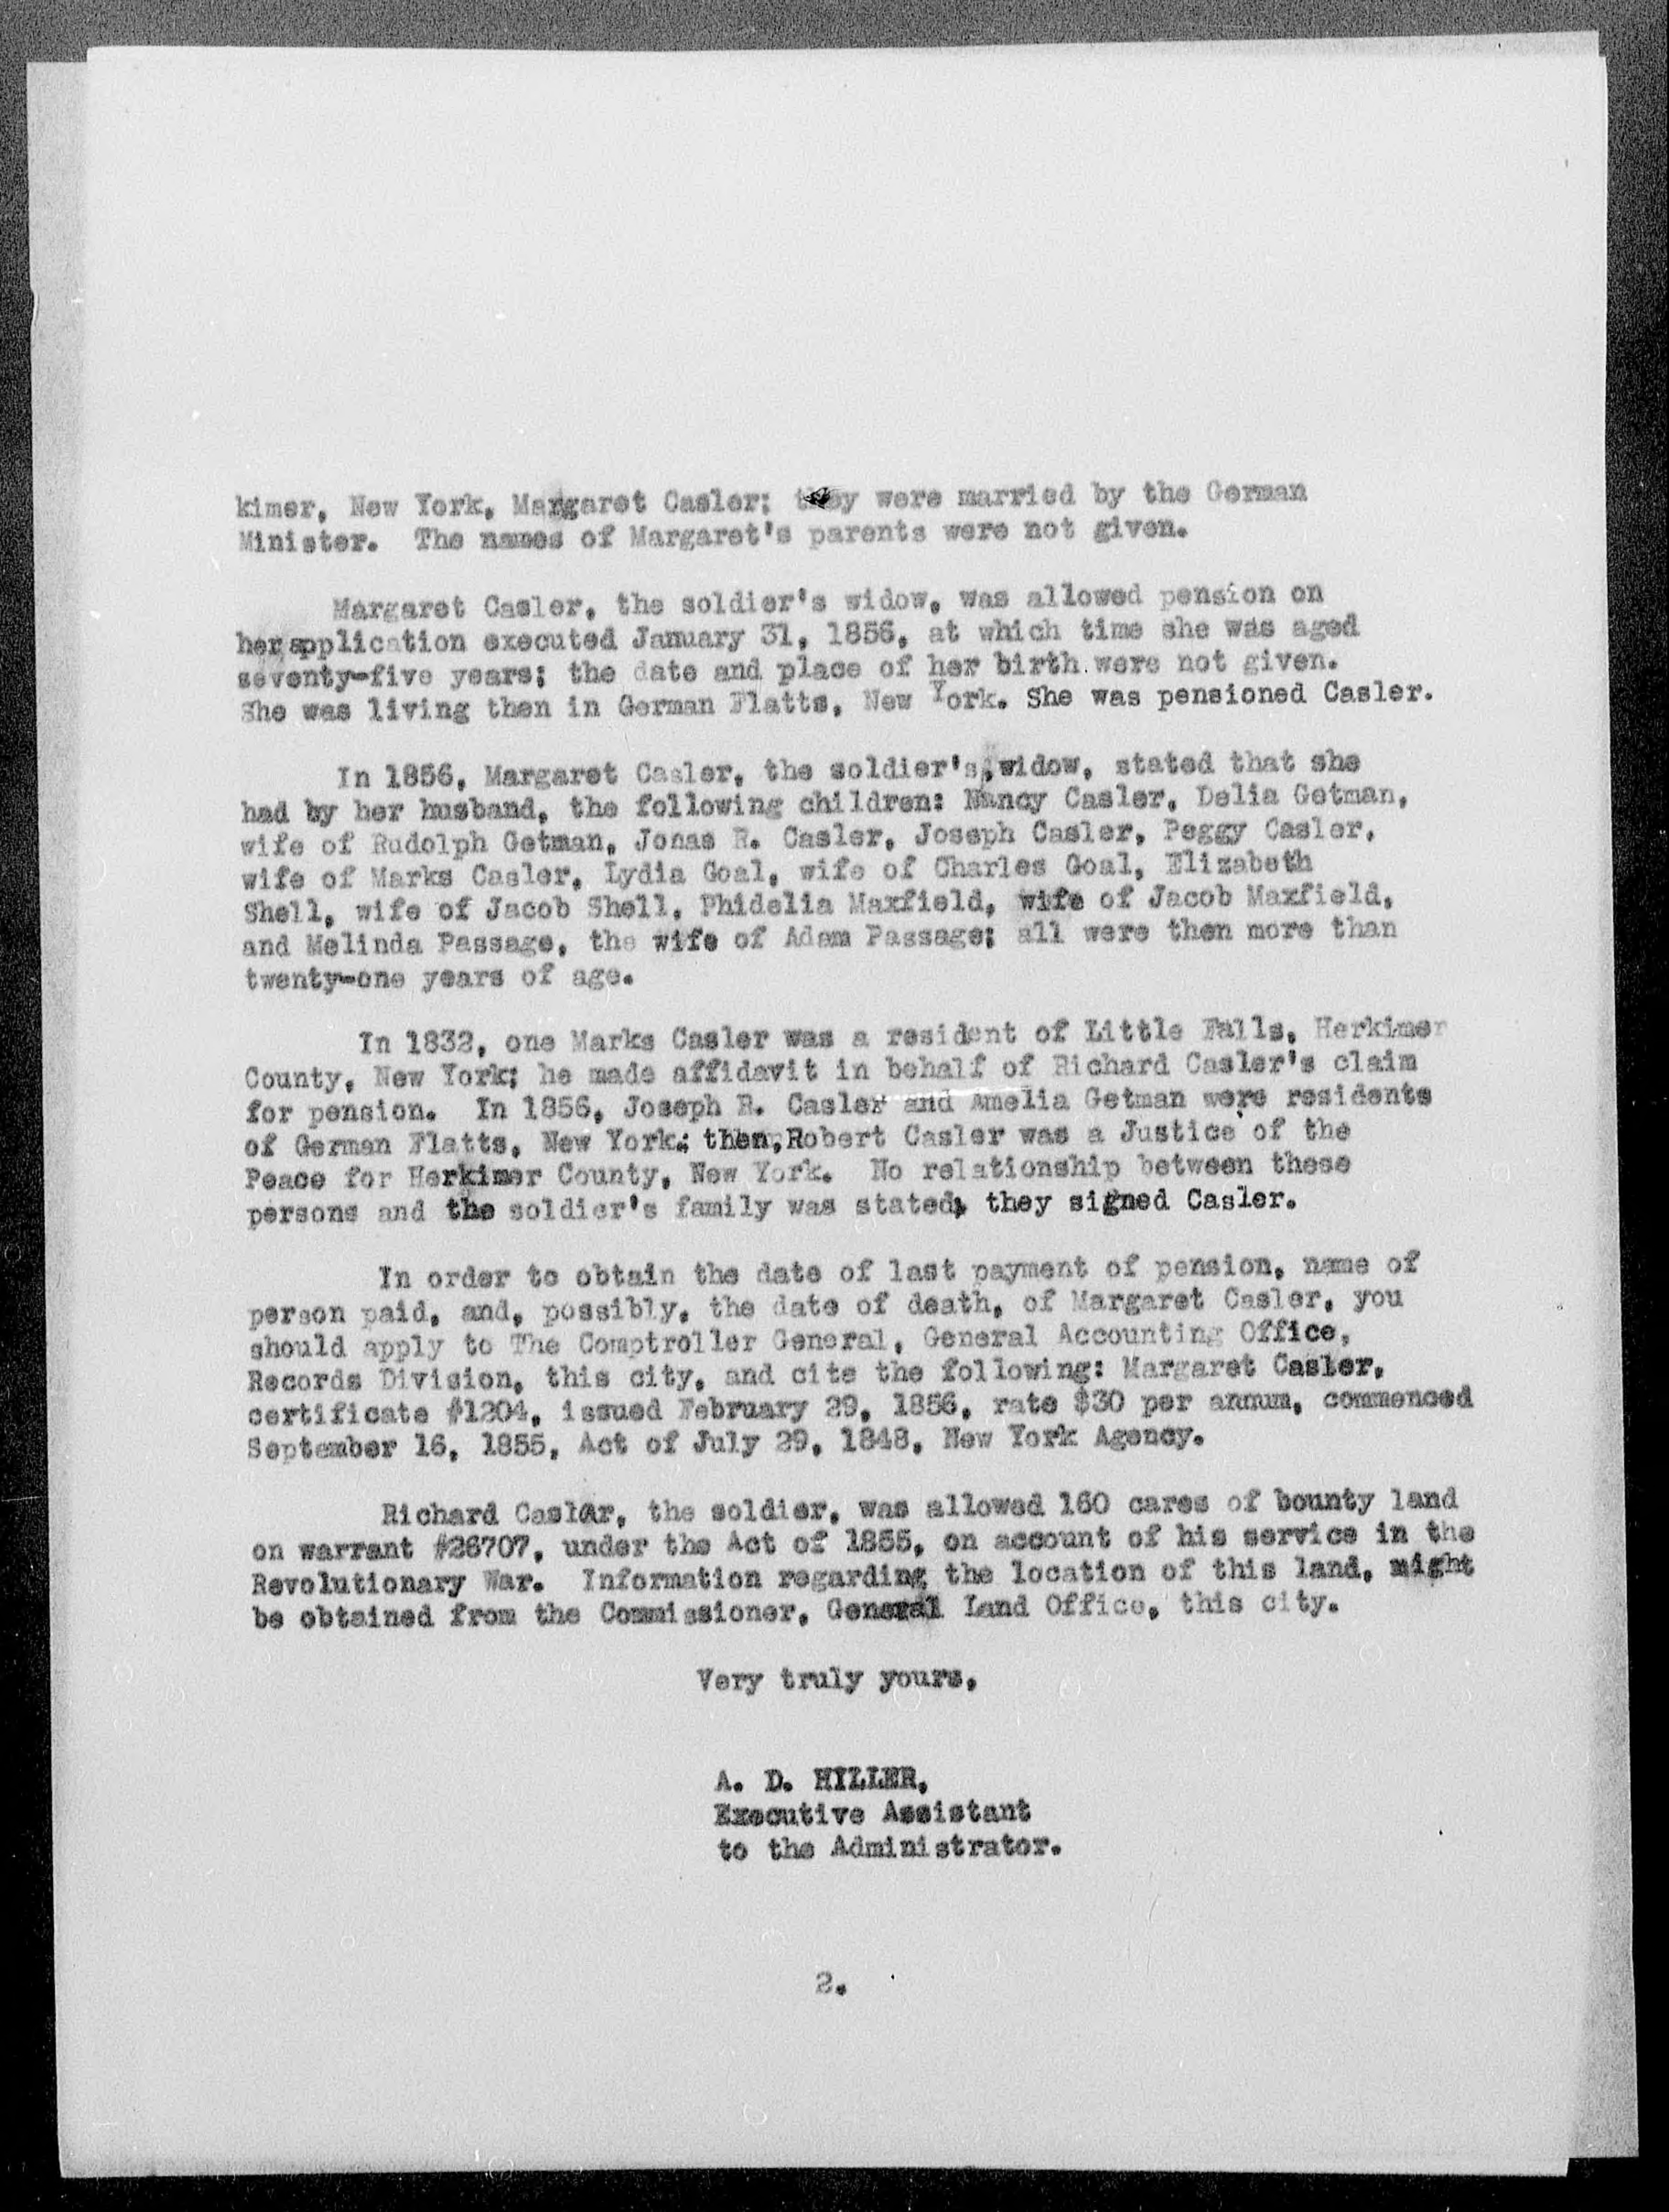[Herkimer] kimer, New York, Margaret Casler; they were married by the German Minister. The names of Margaret's parents were not given. 
Margaret Casler, the soldier's widow, was allowed pension on her application executed January 31, 1856, at which time she was aged seventy-five years; the date and place of her birth were not given. She was living then in German Flatts, New York. She was pensioned Casler. 
In 1856, Margaret Casler, the soldier's widow, stated that she had by her husband, the following children: Nancy Casler, Delia Getman, wife of Rudolph Getman, Jonas R. Casler, Joseph Casler, Peggy Casler, wife of Marks Casler, Lydia Goal, wife of Charles Goal, Elizabeth Shell, wife of Jacob Shell, Phidelia Maxfield, wife of Jacob Maxfield, and Melinda Passage, the wife of Adam Passage; all were then more than twenty-one years of age. 
In 1832, one Marks Casler was a resident of Little Falls, Herkimer County, New York; he made affidavit in behalf of Richard Casler's claim for pension. In 1856, Joseph R. Casler and Amelia Getman were residents of German Flatts, New York; then, Robert Casler was a Justice of the Peace for Herkimer County, New York. No relationship between these persons and the soldier's family was stated; they signed Casler. 
In order to obtain the date of last payment of pension, name of person paid, and, possibly, the date of death, of Margaret Casler, you should apply to The Comptroller General, General Accounting Office, Records Division, this city, and cite the following: Margaret Casler, certificate #1204, issued February 29, 1856, rate $30 per annum, commenced September 16, 1855, Act of July 29, 1848, New York Agency. 
Richard Caslar, the soldier, was allowed 160 cares of bounty land on warrant #26707, under the Act of 1855, on account of his service in the Revolutionary War. Information regarding the location of this land, might be obtained from the Commissioner, General Land Office, this city. 
Very truly yours, 
A. D. HILLER, 
Executive Assistant to the Administrator. 

2.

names: Joseph Casler, Richard Casler, Margaret, Robert Casler, Casler, Melinda Passage, A D Hiller, Richard Casler, Charles Goal, Margaret Casler, Peggy Casler, Margaret Casler, Phidelia Maxfield, Jonas R Casler, Marks Casler, Lydia Goal, Marks Casler, Jacob Shell, Rudolph Getman, Joseph Casler, Amelia Getman, Margaret Casler, Nancy Casler, Elizabeth Shell, Delia Getman, Jacob Maxfield, Margaret Casler, Casler, Adam Passage, Margaret Casler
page: 29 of 66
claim: widow's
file: W. 6637, Richard Caslar, New York